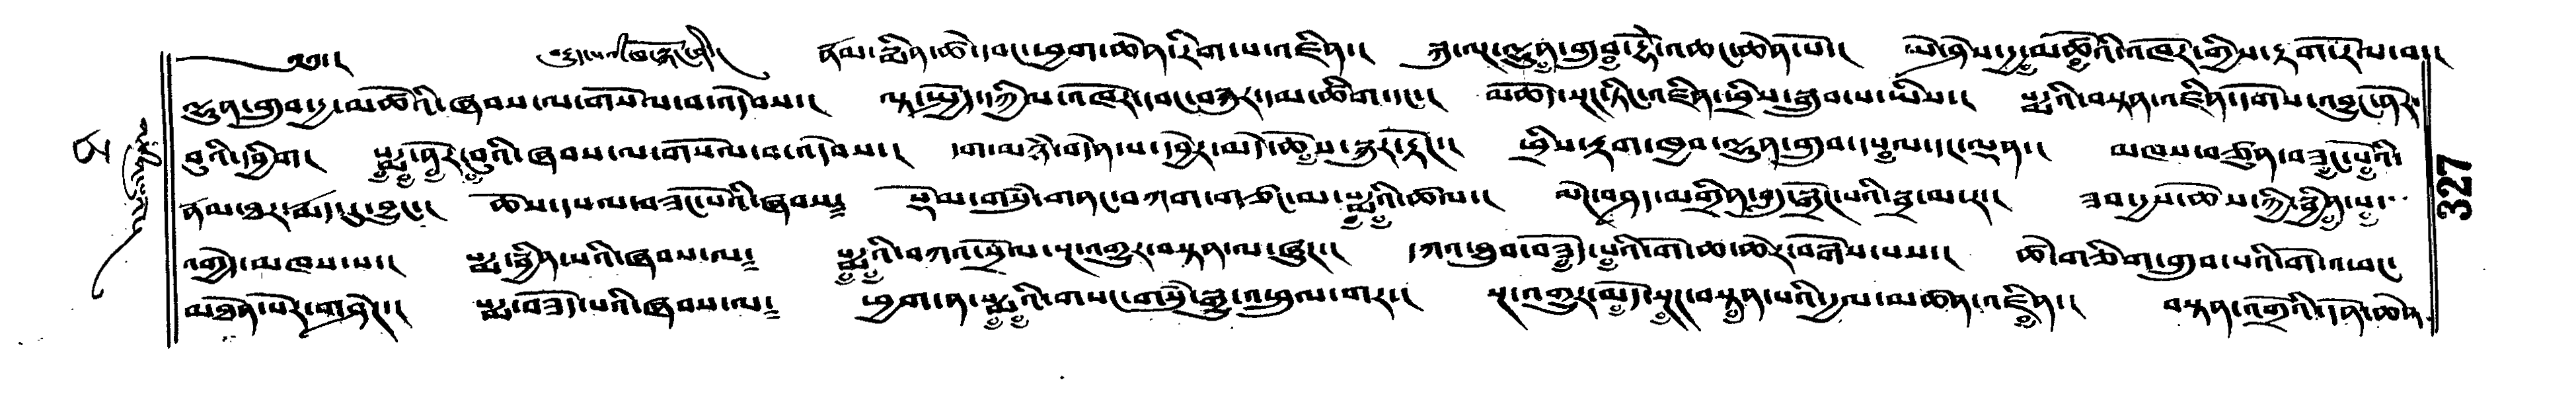༄༅། བརྒྱུད་པའི་ཁ་སྐོང་ནི། རྣམ་སྨིན་ཚེ་དབང་ཕྱག་ཆེན་རིག་པ་འཛིན། །སྐུ་ལྔ་ལྷུན་གྲུབ་རྡོ་རྗེ་འཆང་ཆེན་པོ། །ཡེ་ཤེས་རྒྱ་མཚོའི་འཁོར་གྱིས་རྟག་རོལ་བ། །
ལྷུན་གྲུབ་རྒྱ་མཚོའི་ཞབས་ལ་གསོལ་བ་འདེབས། །ལྟ་སྤྱོད་དཀྱིལ་འཁོར་དབང་བསྐུར་དམ་ཚིག་དང་། །མཆོད་སྔགས་ཏིང་འཛིན་ཕྲིན་ལས་སྒྲུབ་པ་ཡིས། །པདྨའི་བསྟན་འཛིན་དགོས་འབྱུང་ནོར་
བུའི་དབྱིག །པདྨ་ནོར་བུའི་ཞབས་ལ་གསོལ་བ་འདེབས། །དག་མཉམ་བདེན་པ་དབྱེར་མེད་ཆོས་སྐུར་རྟོགས། །ཕྲིན་ལས་རྟག་ཁྱབ་ལྷུན་གྲུབ་དཔལ་དང་ལྡན། །མཁས་བཙུན་བཟང་པོའི་
རྣམ་ཐར་རྨད་དུ་བྱུང་། །ཆོས་དཔལ་བཟང་པོའི་ཞབས༴ །སྡོམ་གསུམ་གནང་བཀག་གཙང་མ་པདྨའི་ཚལ། །ལེགས་བཤད་མགྲིན་གླུ་སྒྲོག་པའི་སྦྲ་མ་ར། །ཟབ་རྒྱས་ཆོས་ཀྱི་སྦྱིན་པ་
འགྱེད་མཁས་པ། །པདྨ་སྦྱིན་པའི་ཞབས་ལ༴ པདྨའི་བཀའ་སྲོལ་སྔ་འགྱུར་བསྟན་ལ་ཞུགས། །དཀའ་ཐུབ་བཟོད་པའི་གོ་ཆ་ཆེར་བསྒོས་པས། །ཚེ་གཅིག་གྲུབ་པའི་གོ་འཕང་
མཐོན་པོར་གཤེགས། །པདྨ་བཟོད་པའི་ཞབས་ལ༴ ཕྱག་ན་པདྨོའི་གསང་གསུམ་སྒྱུ་འཕྲུལ་གར། སྔ་འགྱུར་མདོ་སྔགས་བསྟན་པའི་རྒྱལ་མཚན་འཛིན། །བསྟན་འགྲོའི་དོན་ཆེན་